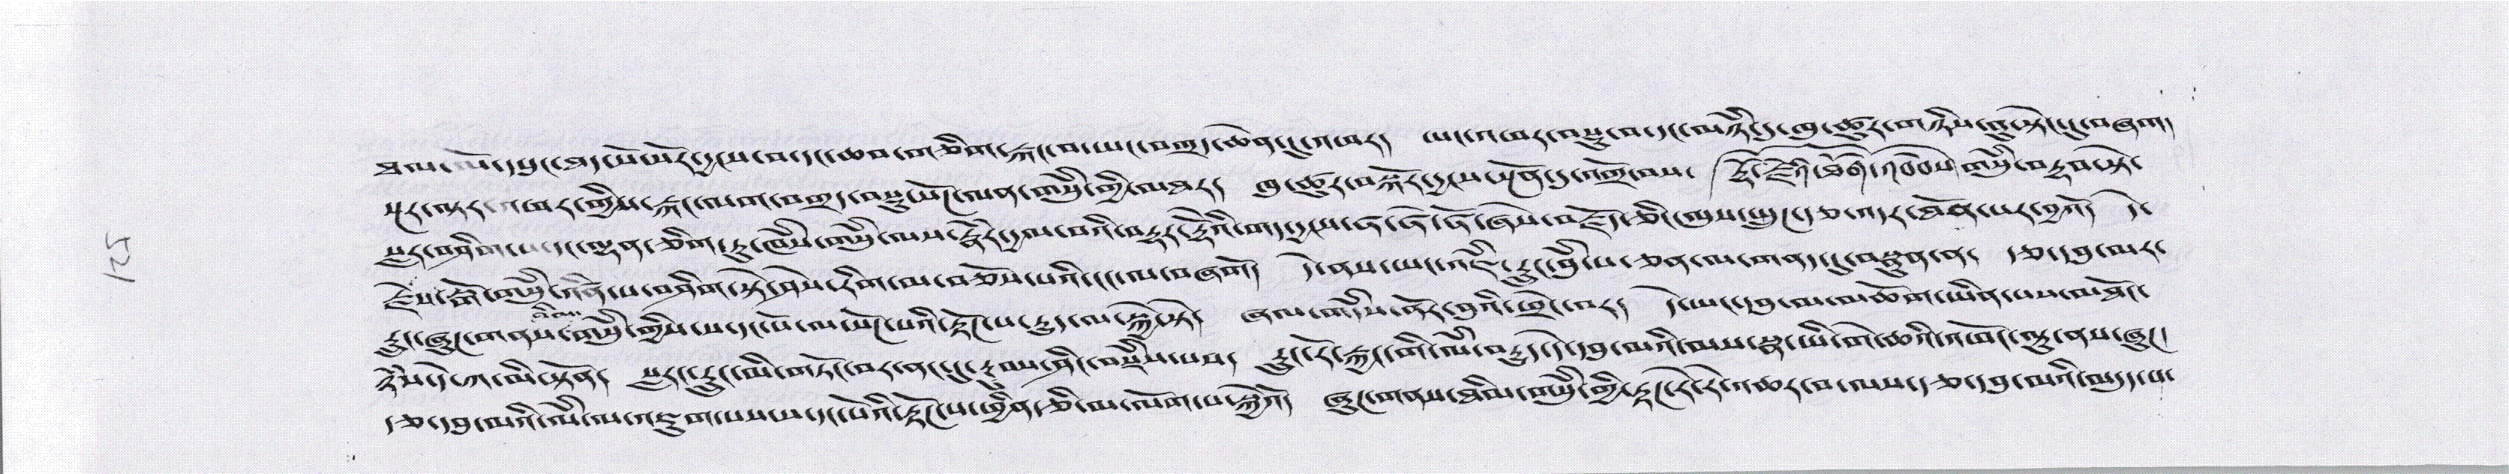ཐལ་མོ་དཔུང་ཐད་སོ་སོར་རྒྱང་བ་དང་ཆབས་ཅིག་རྐང་པ་ཡང་བགྲད་ཆེན་དུ་འཕར། ཡང་འཕར་་བསྡུ་བ་དང་མཉམ་དུ་ཁུ་ཚུར་གཉིས་ནུ་སྟེང་དུ་བཞག 
སྔར་ལྟར་འཕར་བགྲད་བསྡུ་སོགས་ལན་གསུམ་གྱི་མཐར། ཁུ་ཚུར་བསྐོར་རྒྱང་སྔོན་དུ་འགྲོ་བས་༼རྡོ་རྗེའི་ཐོག་འབེབས་༽གསུམ་བརྡབ་སྟེ་
སླར་བཤིག་པ་དང་ལྷན་ཅིག་ཏུ་ཁམས་གསུམ་ལས་རྣམ་པར་རྒྱལ་བའི་བརྡར་རྡོ་རྗེའི་གད་རྒྱངས་ཧ་ཧེ་ཧོ་ཞེས་བརྗོད་ཅིང་ལུས་སྤྲུགས་རྩ་འདར་ཐོན་པར་བྱའོ། དེ་
རྗེས་སྒོ་གསུམ་འཛིན་པ་བཤིག་སྟེ་ཤེས་རིག་མ་བཅོས་པའི་ངང་ལ་བཞག་གོ དེ་ནས་ཡང་འཇམ་རླུང་བུམ་པ་ཅན་ལ་གནད་དུ་བསྣུན་ན་རྩ་དབུ་མར་
རླུང་ཞུགས་གནས་ཐིམ་གསུམ་གྱིས་ས་དང་པོ་ལ་སོགས་པའི་རྟོགས་པ་རྒྱུད་ལ་སྐྱེ་སྟེ། ཞལ་གདམས་ནོར་བུའི་ཕྲེང་བར། དེ་ཡང་དབུ་མ་མཆོག་ཡིན་པས་མཐོང་
ཉམས་དེ་ཀ་མི་སྟོན། སླར་ཡང་རླུང་མི་གཏོང་བར་ནང་དུ་རྔུབས་ཤིང་བསྡམས་པས། རླུང་རོ་རྐྱང་གི་ལམ་བརྒྱུད་དེ་དབུ་མའི་མས་སྣ་ཡི་གེ་ཆའི་འཕོང་ལྟ་བུ་ནས་ཞུགས། 
རྩ་དབུ་མའི་ལམ་ལ་འཇུག་པས་ས་དང་པོའི་རྟོགས་པ་ཕྱིན་ཅི་མ་ལོག་པ་སྐྱེའོ། ཞུགས་གནས་ཐིམ་གསུམ་གྱི་རྟགས་རེ་རེ་འཆར་བ་ལས་རྩ་དབུ་མའི་མདུད་པ་